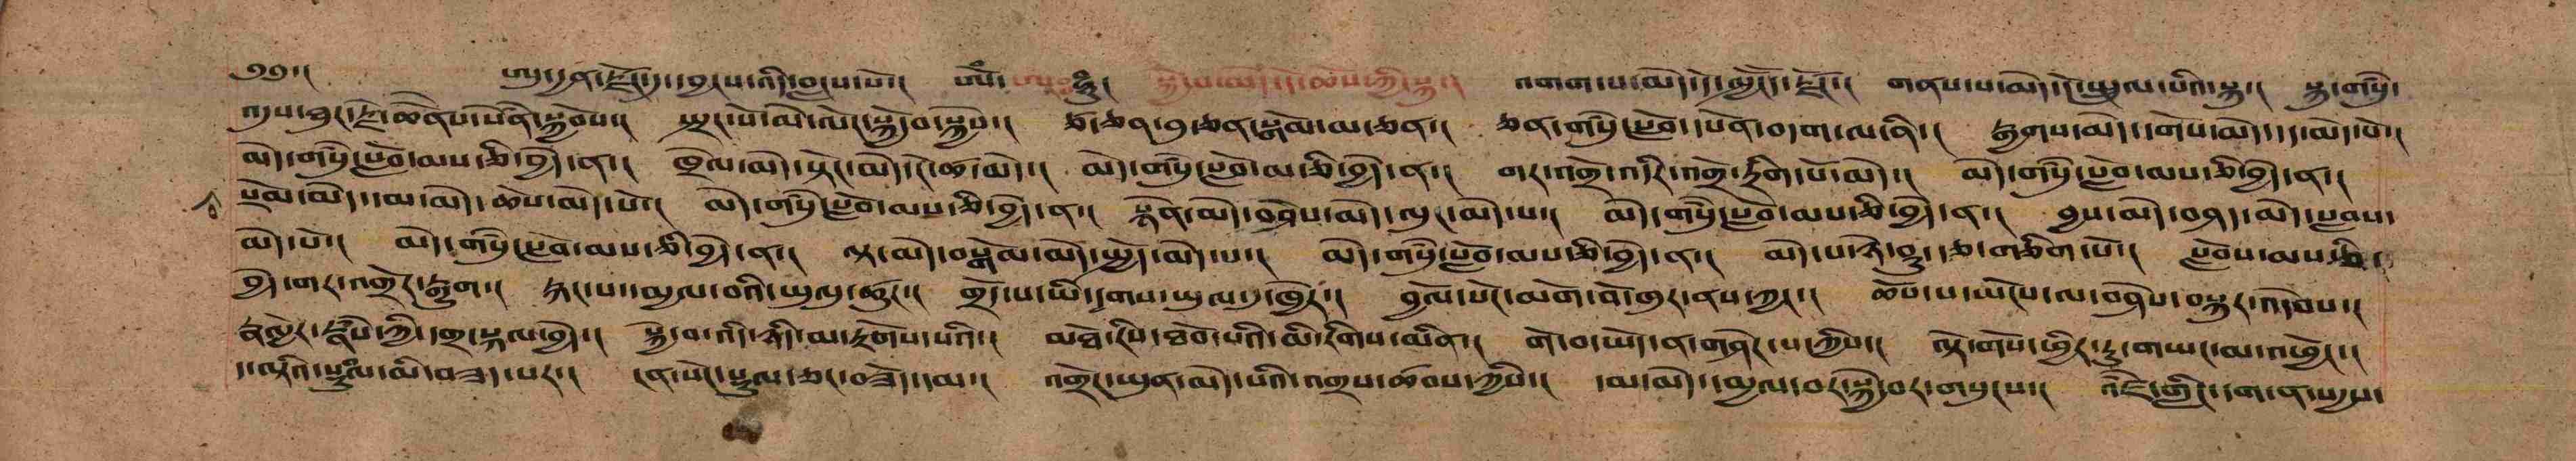༄༅།། ཨུ་རྒྱན་རྫོང་དུ་དབྱངས་འདི་བླངས་སོ།། ཨོཾ་ཨཱཿཧཱུཾ།། སྐྱེ་བ་མེད་དོ་ཆོས་ཀྱི་སྐུ།། འགག་པ་མེད་དོ་ལོངས་སྤྱོད་རྫོགས།། གནས་པ་མེད་དོ་སྤྲུལ་པའི་སྐུ།། སྐུ་གསུམ་
འདུས་ཐུགས་རྗེ་ཆེན་པོས་སེམས་ཅན་སྐྱོབས།། སྤྲང་པོ་མེ་ལོང་སྐྱོ་བ་སྐྱེས།། ཙ་ཅན་བུ་ཅན་སྒོམ་མ་ཅན།། ཅན་གསུམ་སློབ་དཔོན་བདག་ལ་ནི།། རྒྱགས་མེད་དགོས་མེད་ད་མེད་པོ།། 
མེད་གསུམ་སློབ་མས་ཅི་བྱེད་ན།། ཁྲེལ་མེད་སྟོང་མེད་ངོ་ཚ་མེད།། མེད་གསུམ་སློབ་མ་ཅི་བྱེད་ན།། གར་འགྲོ་འདིར་འགྲོ་ཏྲིག་པོ་མེད།། མེད་གསུམ་སློབ་མས་ཅི་བྱེད་ན།། 
སྡོམ་མེད་དམ་མེད་ཆོས་མེད་པོ།། མེད་གསུམ་སློབ་མས་ཅི་བྱེད་ན།། སྙོན་མེད་བཤེས་མེད་ལུང་མེད་པ།། མེད་གསུམ་སློབ་མས་ཅི་བྱེད་ན།། བྱས་མེད་བཤད་མེད་སླབ་
མེད་པོ།། མེད་གསུམ་སློབ་མས་ཅི་བྱེད་ན།། ལྟ་མེད་སྒོམ་མེད་སྤྱོད་མེད་པ།། མེད་གསུམ་སློབ་མས་ཅི་བྱེད་ན།། མེད་པ་ཉི་ཤུ་རྩ་གཅིག་པོ།། སློབ་མས་ཅི་
བྱེད་གར་འགྲོར་རྒྱུག། རྐང་པ་དམྱལ་བའི་ཡུལ་དུ་ཚུགས།། གྲོད་པ་ཡི་དྭགས་ཡུལ་དུ་ཁྱེར།། བྱོལ་སོང་མགོ་བོ་ཁུར་ནས་ཀྱང་།། ཆོས་པ་ཡོངས་ལ་གཤེ་སྐུར་འདེབས།། 
རྣལ་འབྱོར་རྣམས་ཀྱི་དགྲ་སྐལ་བྱེད།། སྐྱེ་བ་འདི་ཉིད་མ་རྟོགས་པའི།། མཐོ་རིས་ཐོབ་པའི་མི་རིགས་མིན།། གོ་བ་ཡོད་ན་གཤེགས་པ་ཀྱིས།། ལྟོ་གོས་ཕྱིར་རུ་གཡང་མ་འཕྱོང་།། 
ད་ལྟའི་སྡུག་བསྔལ་མི་བཟད་པར།། ངན་སོང་སྡུག་བསྔལ་ཅང་བཟོད་དམ།། འགྲོགས་ཡུན་མེད་པའི་འགྲས་ཚབས་ཀྱིས།། དམ་མེད་དམྱལ་བར་སྐྱེ་བར་གསུངས།། འཛམ་གླིང་དག་ན་སངས་རྒྱས་